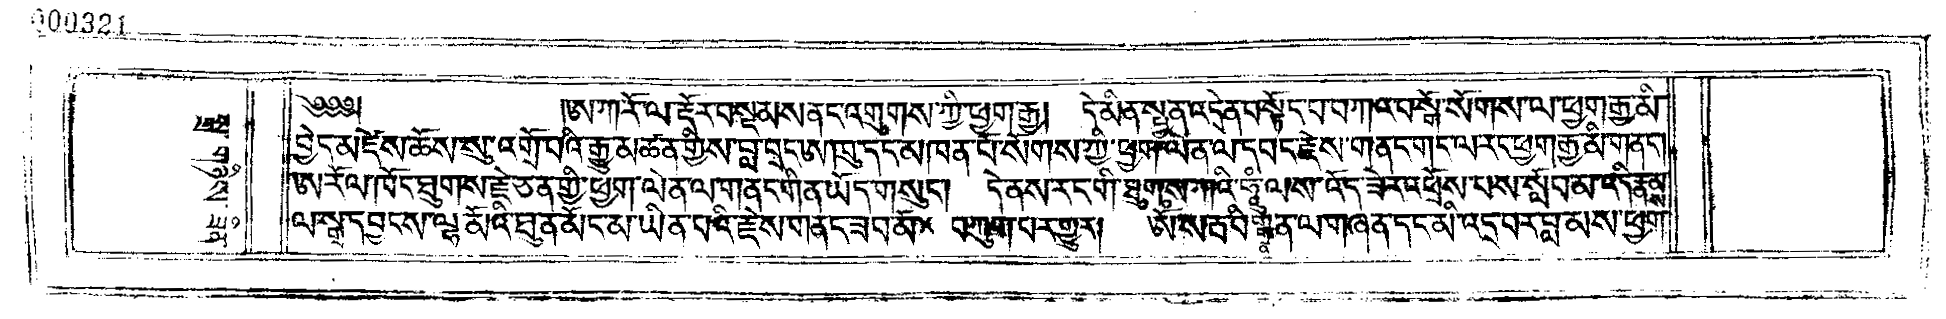༄༅༅། །ཨ་ཀ་རོ་ལ་རྡོར་བསྡམས་ནང་འགུགས་ཀྱི་ཕྱག་རྒྱ། དེ་མིན་སྤྱན་འདྲེན་བསྟོད་པ་བཀའ་བསྒོ་སོགས་ལ་ཕྱག་རྒྱ་མི་
བྱེད་མཛེས་ཆོས་སུ་འགྲོ་བའི་རྒྱུ་མཚན་གྱིས་བླ་བྲང་ཨ་ཁུ་དང་མཁན་པོ་སོགས་ཀྱི་ཕྱག་ལེན་ལ་དབང་རྗེས་གནང་གང་ལ་རང་ཕྱག་རྒྱ་མི་གནང་།
ཨ་རོལ་ཁོང་ཐུགས་རྗེ་ཅན་གྱི་ཕྱག་ལེན་ལ་གནང་གིན་ཡོད་གསུང་། དེ་ནས་རང་གི་ཐུགས་ཀའི་ཧཱུཾ་ལས་འོད་ཟེར་འཕྲོས་པས་སློབ་མ་འདི་རྣམས་
ལ་སྒྲ་དབྱངས་ལྷ་མོའི་ཐུན་མོང་མ་ཡིན་པའི་རྗེས་གནང་ཟབ་མོ྾་བཀུག་པར་གྱུར། ཨོཾ་སརྦ་བིགྷྣན་ལ་གཞན་དང་མི་འདྲ་བར་བླ་མས་ཕྱག་